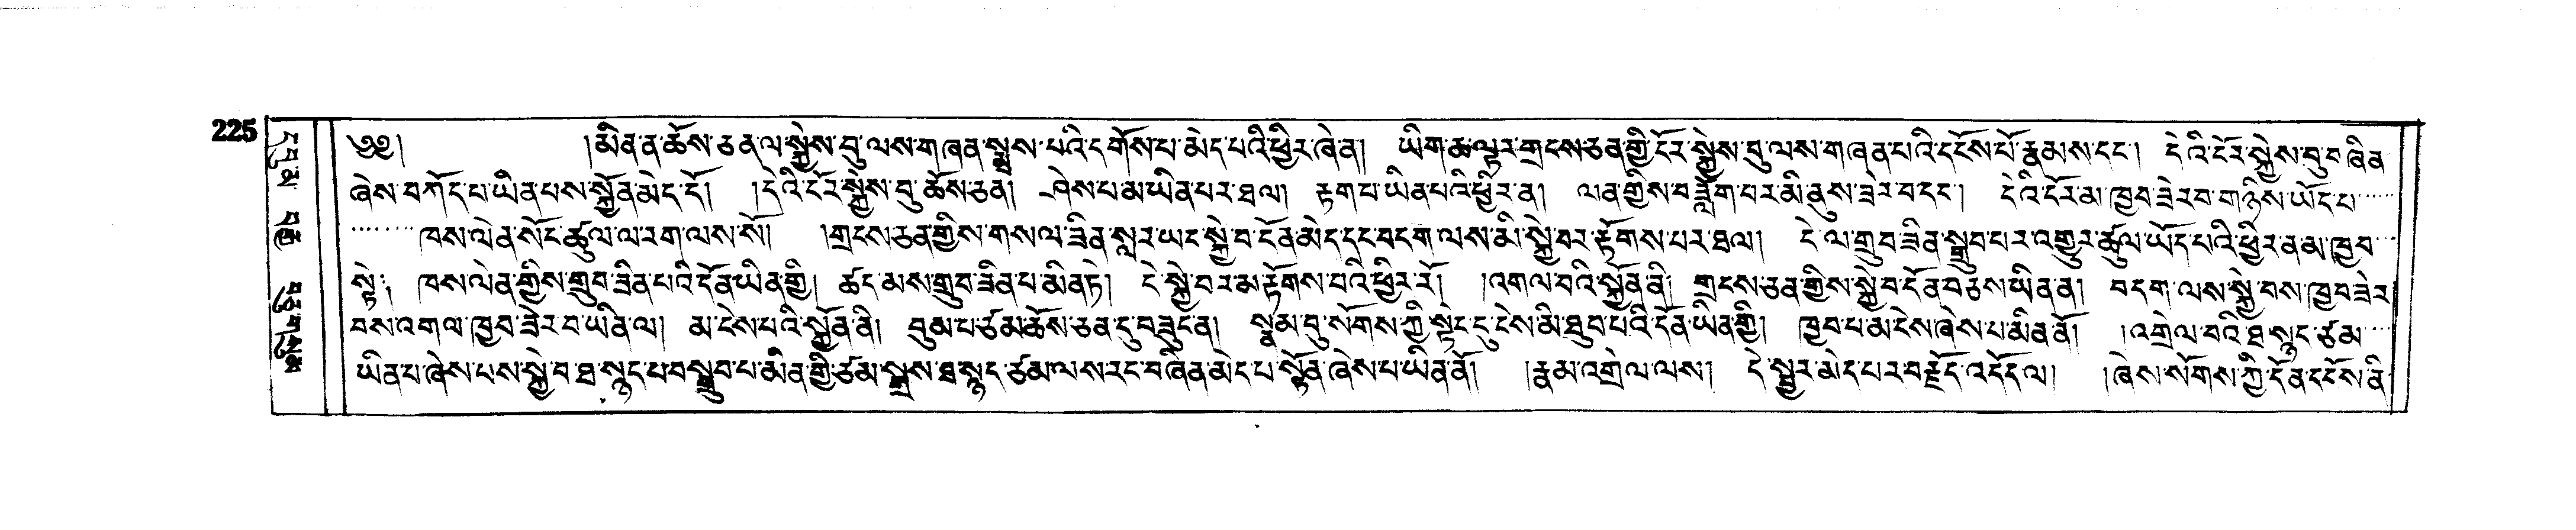༄༅། །མིན་ན་ཆོས་ཅན་ལ་སྐྱེས་བུ་ལས་གཞན་སྨྲས་པའི་དགོས་པ་མེད་པའི་ཕྱིར་ཞེ་ན། ཡིག་ཆ་ལྟར་གྲངས་ཅན་གྱི་ངོར་སྐྱེས་བུ་ལས་གཞན་པའི་དངོས་པོ་རྣམས་དང་། དེའི་ངོར་སྐྱེས་བུ་བཞིན་ཞེས་བཀོད་པ་ཡིན་པས་སྐྱོན་མེད་དོ། །དེའི་ངོར་སྐྱེས་བུ་ཆོས་ཅན། ཤེས་པ་མ་ཡིན་པར་ཐལ། རྟག་པ་ཡིན་པའི་ཕྱིར་ན། ལན་གྱིས་བཟློག་པར་མི་ནུས་ཟེར་བ་དང་། དེའི་ངོར་མ་ཁྱབ་ཟེར་བ་གཉིས་ཡོད་པ་
ཁས་ལེན་སོང་ཚུལ་ལ་རག་ལས་སོ། །གྲངས་ཅང་ཡིས་གསལ་ཟིན་སླར་ཡང་སྐྱེ་བ་དོན་མེད་དང་བདག་ལས་མི་སྐྱེ་བར་རྟོགས་པར་ཐལ། དེ་ལ་གྲུབ་ཟིན་སྒྲུབ་པར་འགྱུར་ཚུལ་ཡོད་པའི་ཕྱིར་ན་མ་ཁྱབ་
སྟེ༑ ཁས་ལེན་གྱིས་གྲུབ་ཟིན་པའི་དོན་ཡིན་གྱི། ཚད་མས་གྲུབ་ཟིན་པ་མིན་ཏེ། ངེ་སྐྱེ་བར་མ་རྟོགས་པའི་ཕྱིར་རོ། །འགལ་བའི་སྐྱོན་ནི། གྲངས་ཅན་གྱིས་སྐྱེ་བ་དོན་བཅས་ཡིན་ན། བདག་ལས་སྐྱེ་བས་ཁྱབ་ཟེར་
བས་འགལ་ཁྱབ་ཟེར་བ་ཡིན་ལ། མ་ངེས་པའི་སྐྱོན་ནི། བུམ་པ་ཙམ་ཆོས་ཅན་དུ་བཟུང་ན། སྣམ་བུ་སོགས་ཀྱི་སྟེང་དུ་ངེས་མི་ཐུབ་པའི་དོན་ཡིན་གྱི། ཁྱབ་པ་མ་ངེས་ཞེས་པ་མིན་ནོ། །འགྲེལ་བའི་ཐ་སྙད་ཙམ་
ཡིན་པ་ཞེས་པས་སྐྱེ་བ་ཐ་སྙད་པ་བསྒྲུབ་པ་མིན་གྱི་ཙམ་སྒྲས་ཐ་སྙད་ཙམ་ལས་རང་བཞིན་མེད་པ་སྟོན་ཞེས་པ་ཡིན་ནོ། །རྣམ་འགྲེལ་ལས། དེ་སྦྱར་མེད་པར་བརྗོད་འདོད་ལ། །ཞེས་སོགས་ཀྱི་དོན་དངོས་ནི་